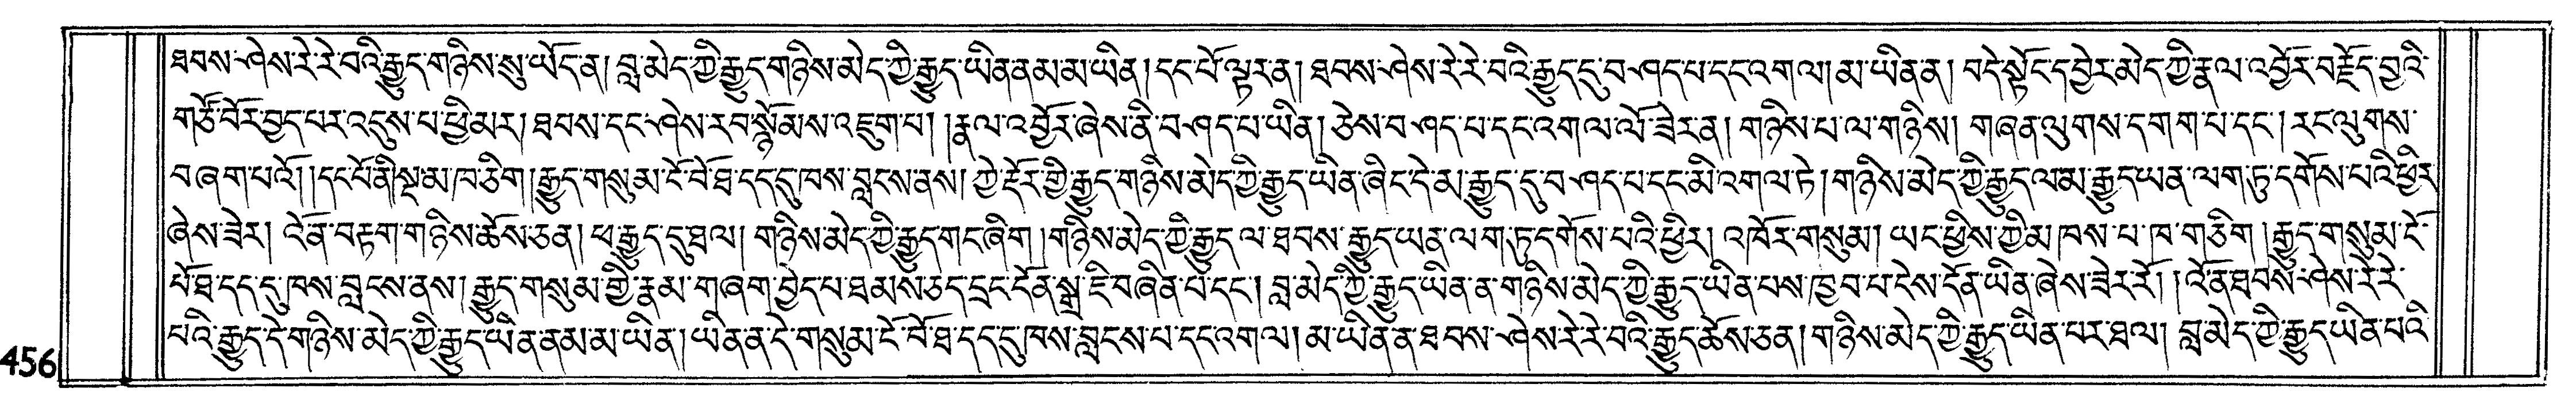ཐབས་ཤེས་རེ་རེ་བའི་རྒྱུད་གཉིས་སུ་ཡོད་ན། བླ་མེད་ཀྱི་རྒྱུད་གཉིས་མེད་ཀྱི་རྒྱུད་ཡིན་ནམ་མ་ཡིན། དང་པོ་ལྟར་ན། ཐབས་ཤེས་རེ་རེ་བའི་རྒྱུད་དུ་བཤད་པ་དང་འགལ། མ་ཡིན་ན། བདེ་སྟོང་དབྱེར་མེད་ཀྱི་རྣལ་འབྱོར་བརྗོད་བྱའི་
གཙོ་བོར་བྱད་པར་འདུས་པ་ཕྱི་མར། ཐབས་དང་ཤེས་རབ་སྙོམས་འཇུག་པ། །རྣལ་འབྱོར་ཞེས་ནི་བཤད་པ་ཡིན། ཅེས་བཤད་པ་དང་འགལ་ལོ་ཟེར་ན། གཉིས་པ་ལ་གཉིས། གཞན་ལུགས་དགག་པ་དང་། རང་ལུགས་
བཞག་པའོ། །དང་པོ་ནི། སྔ་མ་ཁ་ཅིག །རྒྱུད་གསུམ་ངོ་བོ་ཐ་དད་དུ་ཁས་བླངས་ནས། ཀྱེ་རྡོར་གྱི་རྒྱུད་གཉིས་མེད་ཀྱི་རྒྱུད་ཡིན་ཞིང་དེ་མ་རྒྱུད་དུ་བཤད་པ་དང་མི་འགལ་ཏེ། གཉིས་མེད་ཀྱི་རྒྱུད་ལ་མ་རྒྱུད་ཡན་ལག་ཏུ་དགོས་པའི་ཕྱིར་
ཞེས་ཟེར། འོ་ན་བརྟག་གཉིས་ཆོས་ཅན། ཕ་རྒྱུད་དུ་ཐལ། གཉིས་མེད་ཀྱི་རྒྱུད་གང་ཞིག །གཉིས་མེད་ཀྱི་རྒྱུད་ལ་ཐབས་རྒྱུད་ཡན་ལག་ཏུ་དགོས་པའི་ཕྱིར། འཁོར་གསུམ། ཡང་ཕྱིས་ཀྱི་མཁས་པ་ཁ་གཅིག །རྒྱུད་གསུམ་ངོ་
པོ་ཐ་དད་དུ་ཁས་བླངས་ནས། རྒྱུད་གསུམ་གྱི་རྣམ་གཞག་བྱེད་པ་ཐམས་ཅད་དྲང་དོན་སྒྲ་ཇི་བཞིན་པ་དང་། བླ་མེད་ཀྱི་རྒྱུད་ཡིན་ན་གཉིས་མེད་ཀྱི་རྒྱུད་ཡིན་པས་ཁྱབ་པ་ངེས་དོན་ཡིན་ཞེས་ཟེར་རོ། །འོ་ན་ཐབས་ཤེས་རེ་རེ་
པའི་རྒྱུད་དེ་གཉིས་མེད་ཀྱི་རྒྱུད་ཡིན་ནམ་མ་ཡིན། ཡིན་ན་དེ་གསུམ་ངོ་བོ་ཐ་དད་དུ་ཁས་བླངས་པ་དང་འགལ། མ་ཡིན་ན་ཐབས་ཤེས་རེ་རེ་བའི་རྒྱུད་ཆོས་ཅན། གཉིས་མེད་ཀྱི་རྒྱུད་ཡིན་པར་ཐལ། བླ་མེད་ཀྱི་རྒྱུད་ཡིན་པའི་